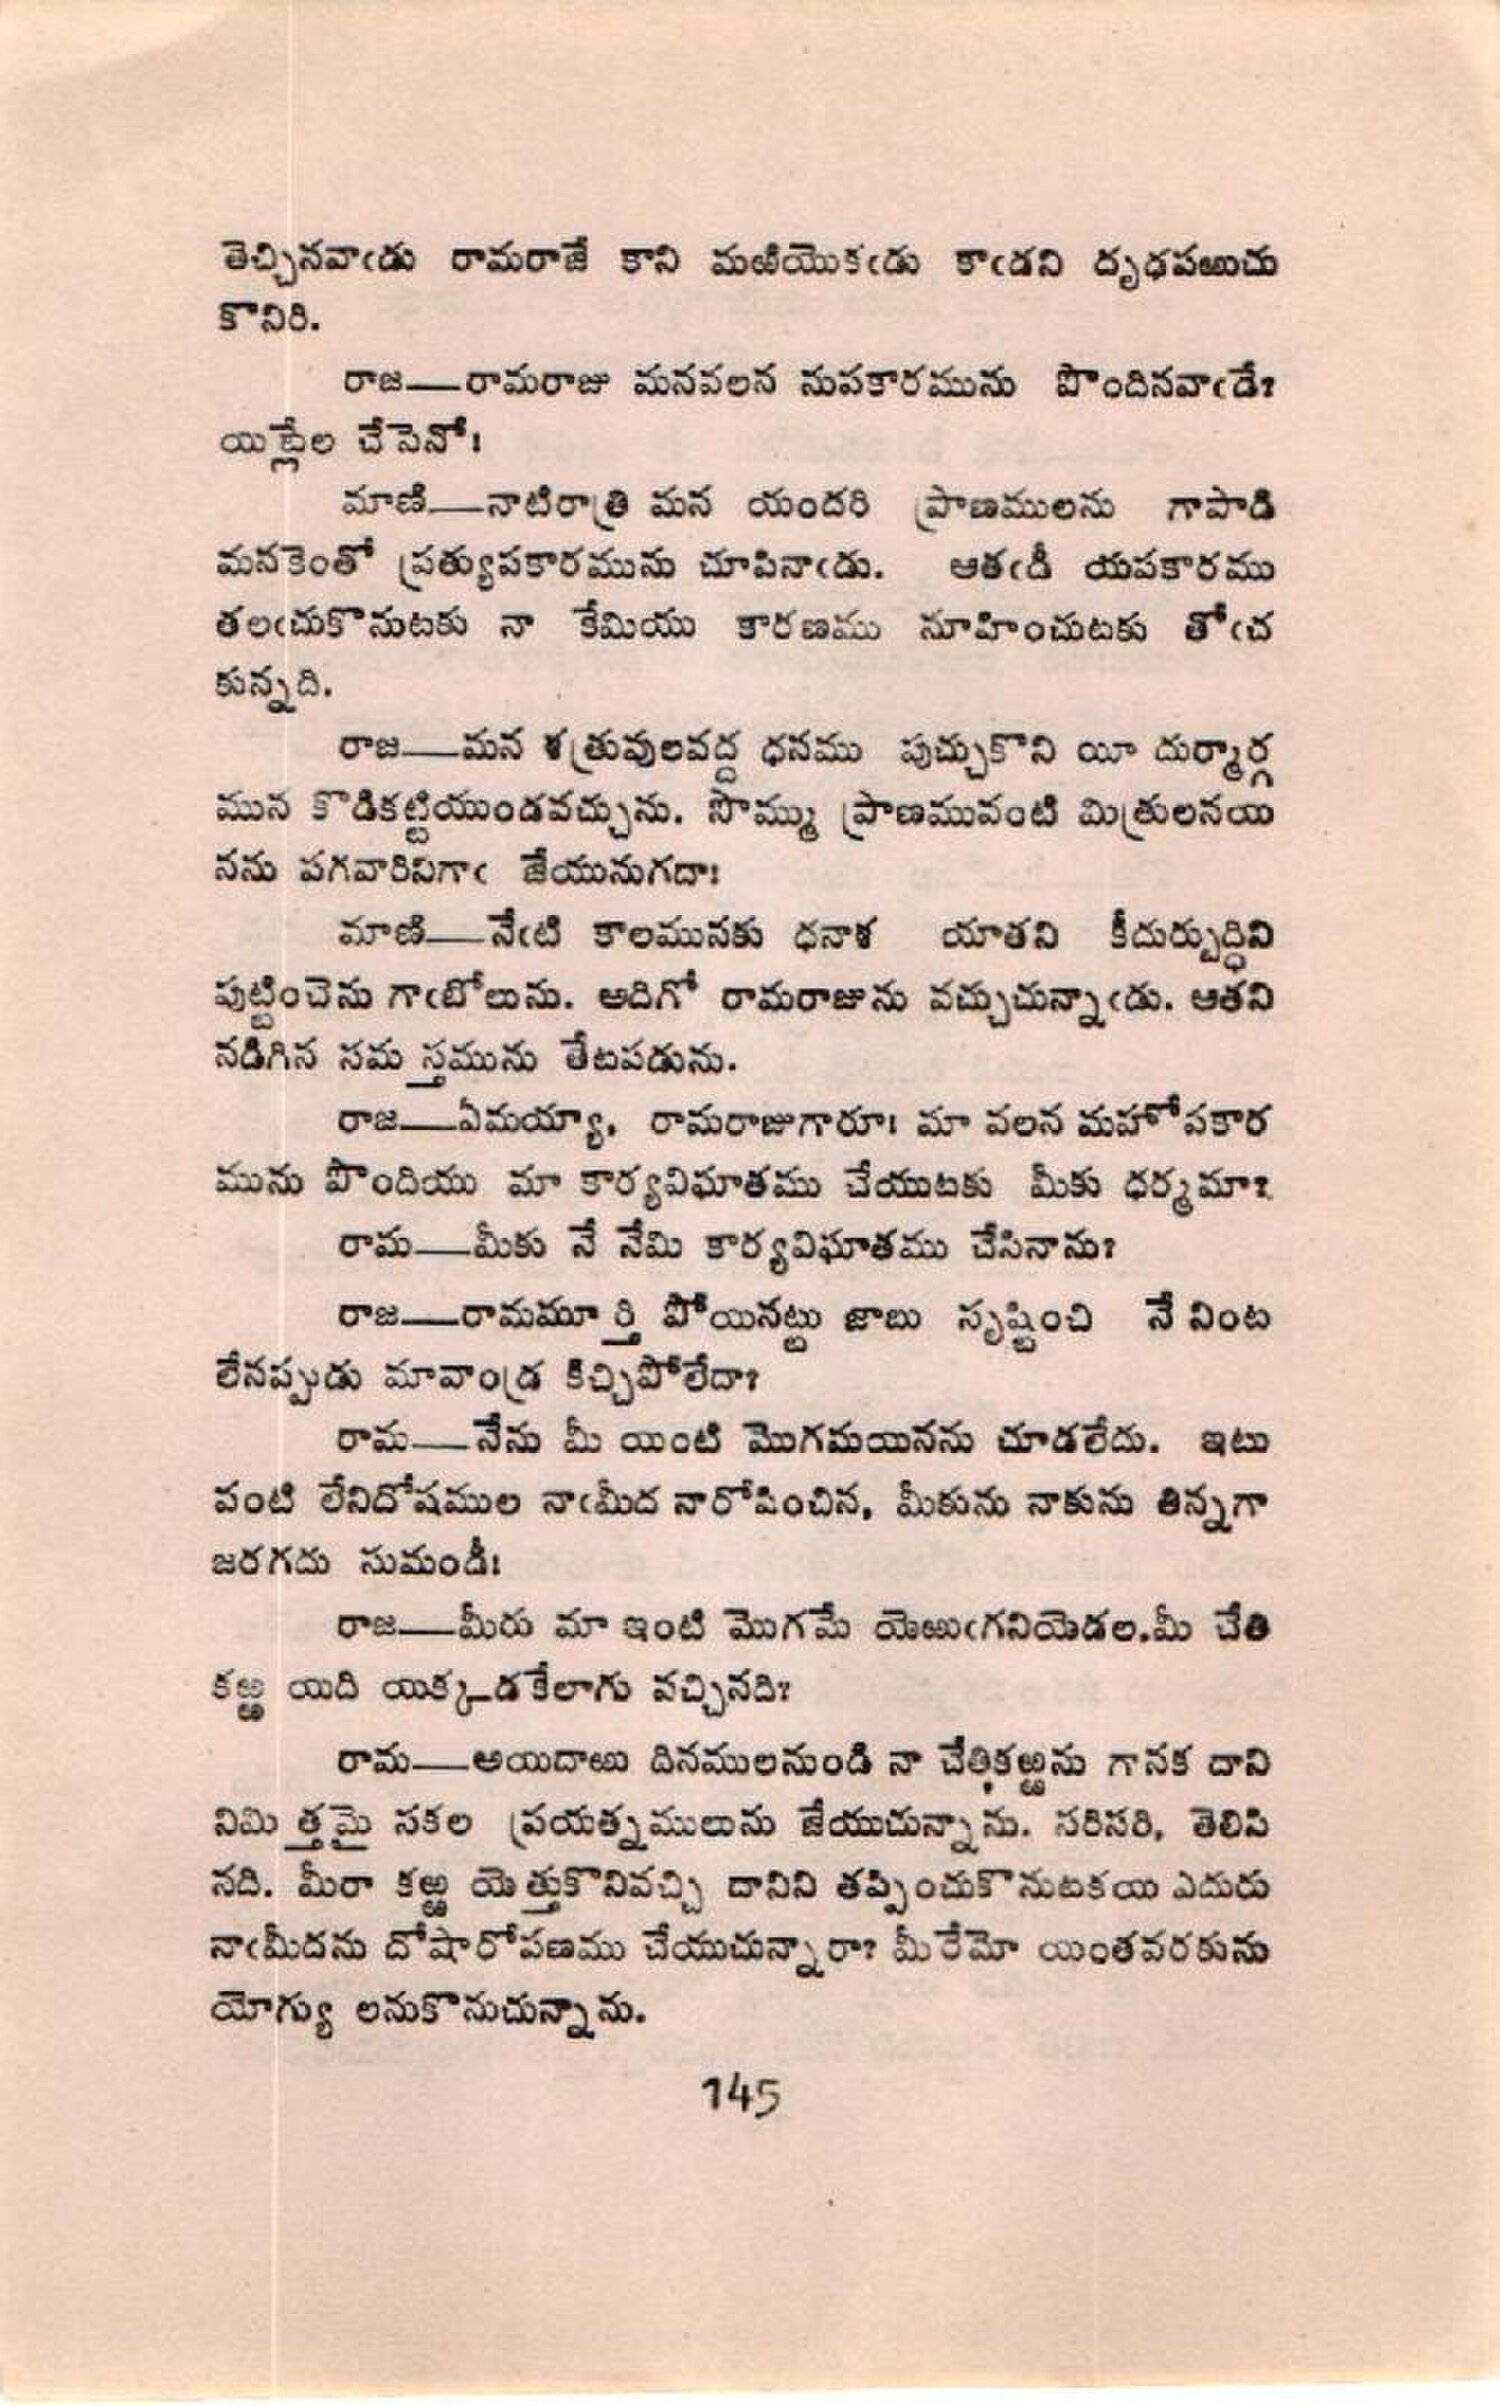తెచ్చినవాఁడు రామరాజే కాని మఱియొకఁడు కాఁడని దృఢపఱుచు కొనిరి.

రాజ__రామరాజు మనవలన నుపకారమును పొందినవాఁడే? యిట్లేల చేసెనో !

మాణి__నాటిరాత్రి మన యందరి ప్రాణములను గాపాడి మనకెంతో ప్రత్యుపకారమును చూపినాఁడు. ఆతఁడీ యపకారము తలఁచుకొనుటకు నా కేమియు కారణము నూహించుటకు తోచ కున్నది.

రాజ__మన శత్రువులవద్ద ధనము పుచ్చుకొని యీ దుర్మార్గ మున 
కొడికట్టియుండవచ్చును. సొమ్ము ప్రాణమువంటి మిత్రులనయి నను పగవారినిగాఁ జేయునుగదా!

మాణి__నేఁటి కాలమునకు ధనాశ యాతని కీదుర్బుద్ధిని పుట్టించెను గాఁబోలును. అదిగో రామరాజును వచ్చుచున్నాడు. ఆతని నడిగిన సమ స్త్రమును తేటపడును.

రాజ__ఏమయ్యా, రామరాజుగారూ! మా వలన మహోపకార మును పొందియు మా కార్యవిఘాతము చేయుటకు మీకు ధర్మమా?

రామ__మీకు నేనేమి కార్యవిఘాతము చేసినాను?

రాజ__రామమూర్తి పోయినట్టు జాబు సృష్టించి నేనింట లేనప్పడు మావాండ్ర కిచ్చిపోలేదా?

రామ__నేను మీ యింటి మొగమయనను చూడలేదు. ఇటు వంటి లేనిదోషముల నామీద నారోపించిన, మీకును నాకును తిన్నగా జరగదు సుమండీ!

రాజ__మీరు మా ఇంటి మొగమే యెఱుఁగనియెడల, మీ చేతి కఱ్ఱ యిది యిక్కడకేలాగు వచ్చినది?

రామ__అయిదాఱు దినములనుండి నా చేతికఱ్ఱను గానక దాని నిమిత్తమై సకల ప్రయత్నములను జేయుచున్నాను. సరిసరి తెలిసినది. మీరా కఱ్ఱ యెత్తుకొనివచ్చి దానిని తప్పించుకొనుటకయి ఎదురు నాఁమీదను దోషారోపణము చేయుచున్నారా? మీకేమో యింతవరకును యోగ్యు లనుకొనుచున్నాను.